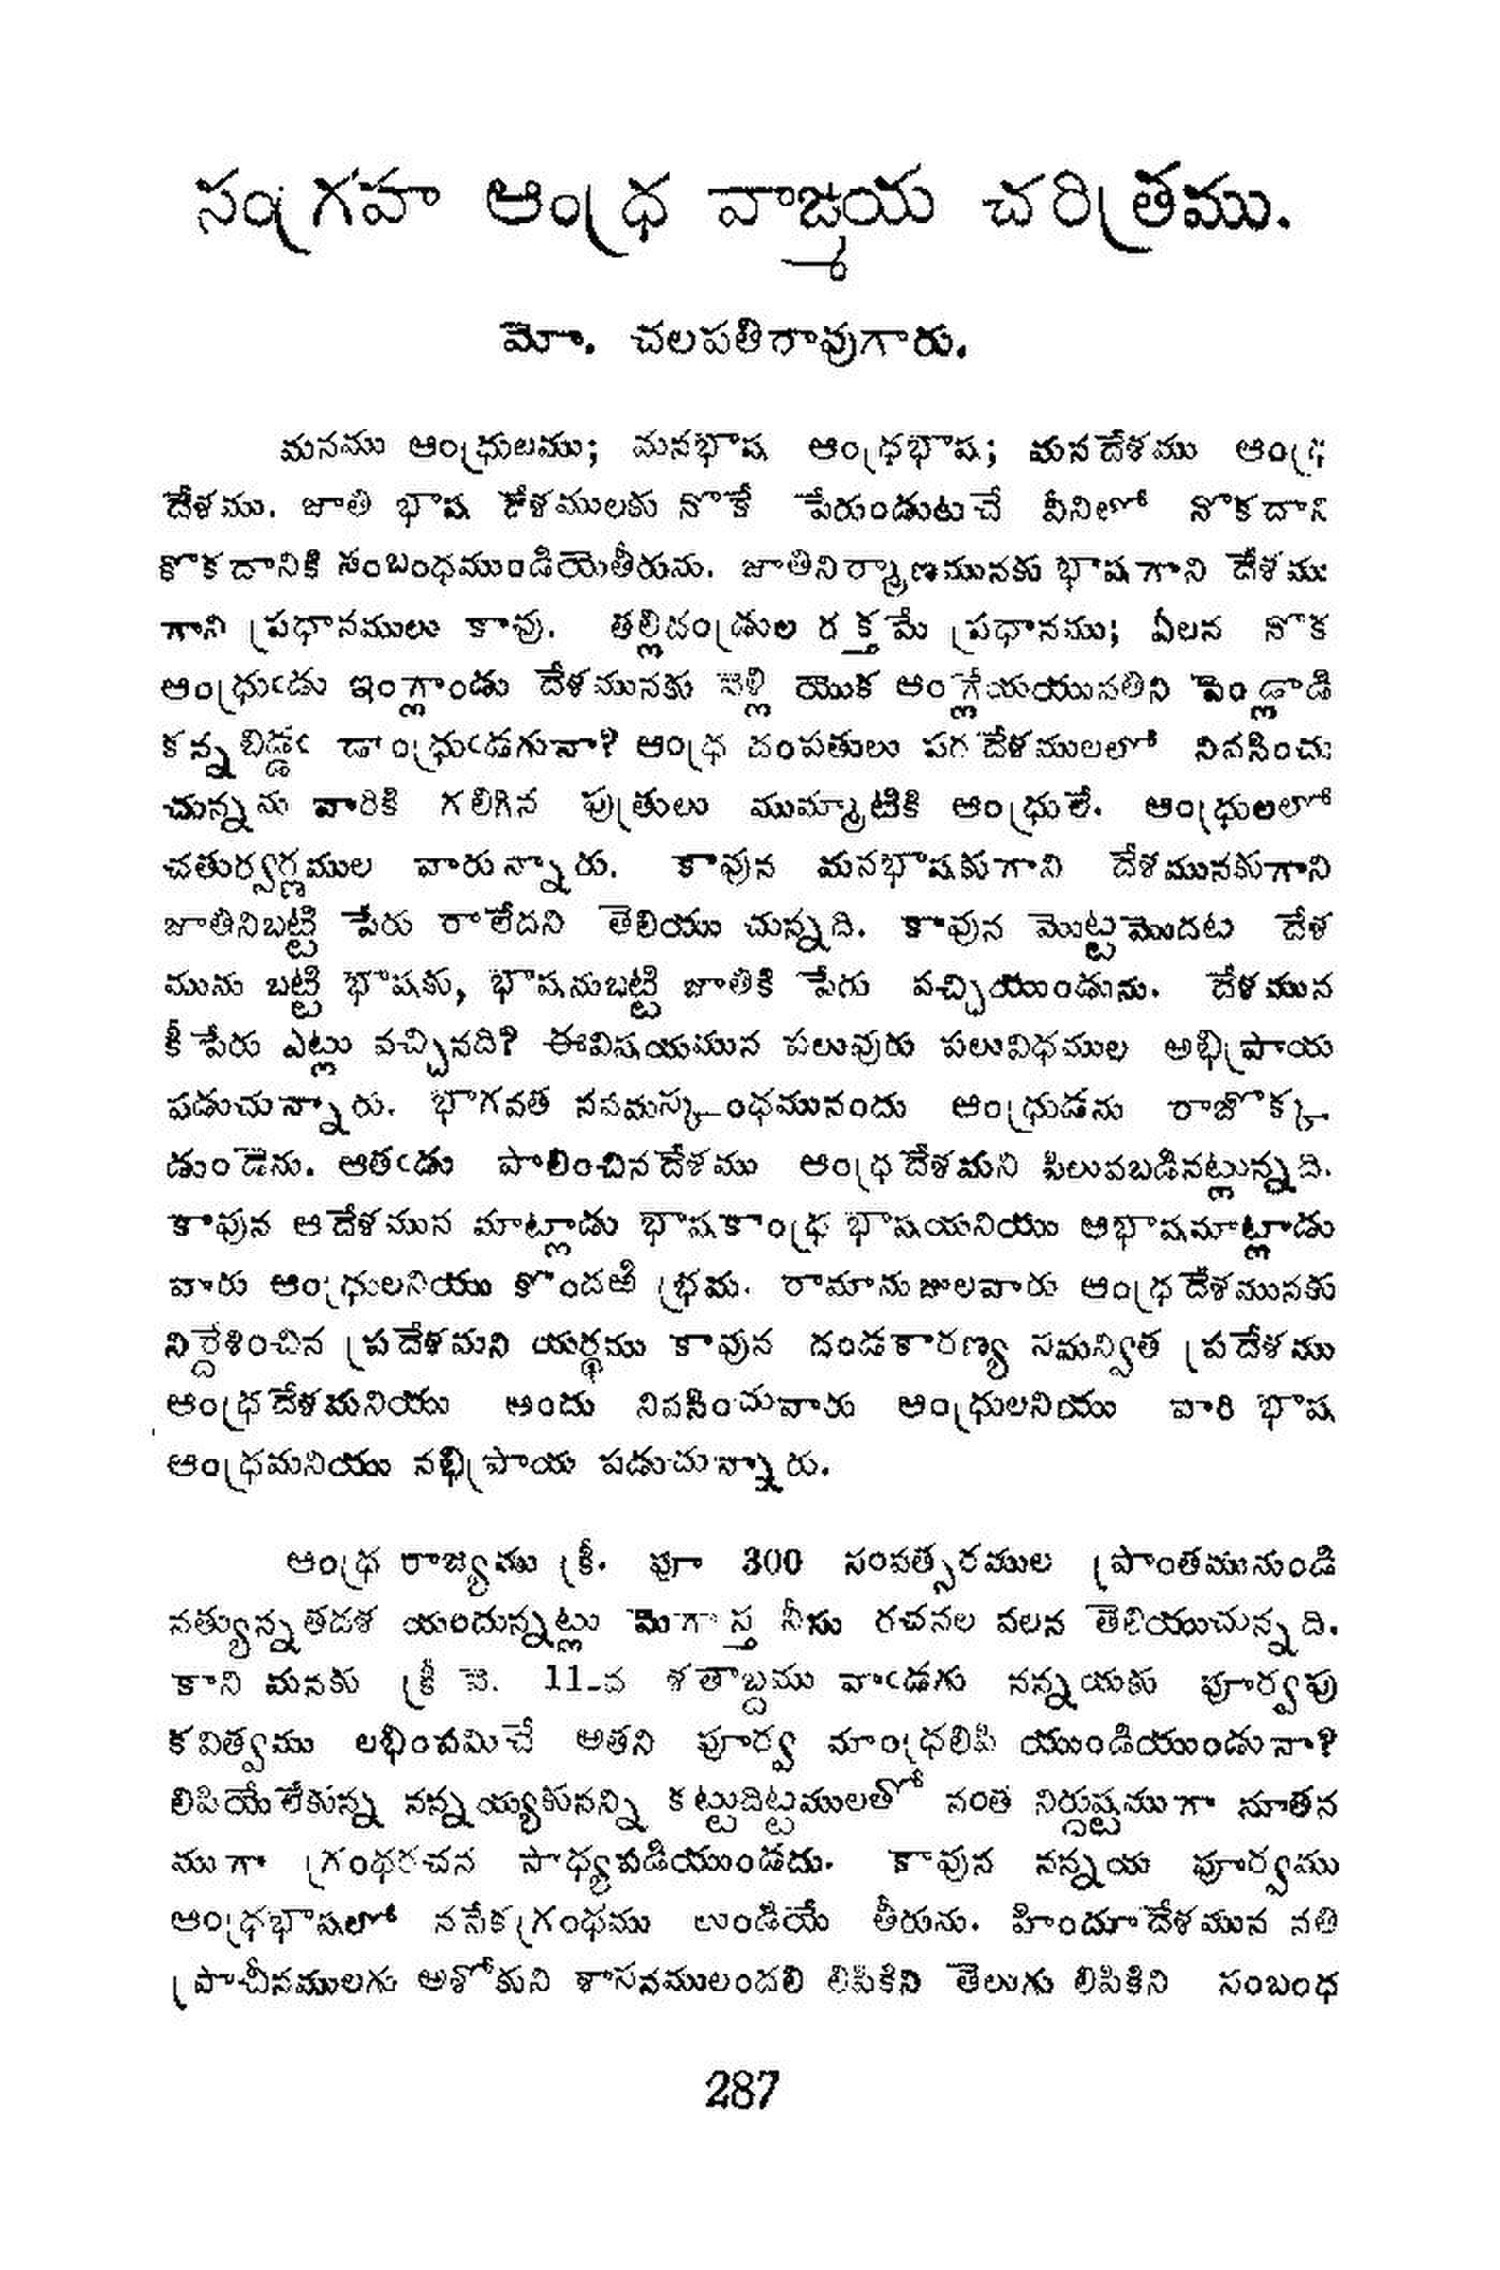సంగ్రహ ఆంధ్ర వాజ్మయ చరిత్రము.
 

 
మనము ఆంధ్రులము; మనభాష ఆంధ్రభాష, మనదేశము ఆంధ్రదేశము, జాతి భాష దేశములకు నొకే పేరుండుటచే వీనిలో నొకదానికొకదానికి సంబంధముండియేతీరును. జాతినిర్మాణమునకు భాషగాని దేశముగాని ప్రధానములు కావు. తల్లిదండ్రుల రక్తమే ప్రధానము; ఏలన నొక ఆంధ్రుడు ఇంగ్లాండు దేశమునకు వెళ్లి యొక ఆంగ్లేయయువతిని పెండ్లాడి కన్నబిడ్డ డాంధ్రుడగునా? ఆంధ్ర దంపతులు పరదేశములలో నివసించుచున్నను వారికి గలిగిన పుత్రులు ముమ్మాటికి ఆంధ్రులే. ఆంధ్రులలో చతుర్వర్ణముల వారున్నారు. కావున మనభాషకు గాని దేశమునకుగాని జాతినిబట్టి పేరు రాలేదని తెలియుచున్నది. కావున మొట్టమొదట దేశమును బట్టి భాషకు, భాషనుబట్టి జాతికి పేరు వచ్చియుండును. దేశమున కీపేరు ఎట్లు వచ్చినది? ఈవిషయమున పలువురు పలువిధముల అభిప్రాయపడుచున్నారు. భాగవత నవమస్కంధమునందు ఆంఢ్రుడను రాజొక్కడుండెను. ఆతఁడు పాలించినదేశము ఆంధ్రదేశమని పిలువబడినట్లున్నది. కావున ఆదేశమున మాట్లాడు భాషకాంద్ర భాషయనియు ఆభాష మాట్లాడువారు ఆంధ్రులనియు కొందఱి భ్రమ. రామానుజులవారు ఆంధ్రదేశమునకు నిర్దేశించిన ప్రదేశమని యర్ధము కావున దండకారణ్య సమన్విత ప్రదేశము ఆంధ్రదేశమనియు అందు నివసించువారు ఆంధ్రులనియు వారి భాష ఆంధ్రమనియు నభిప్రాయ పడుచున్నారు.
 
ఆంధ్ర రాజ్యము క్రీ.పూ 300 సంవత్సరముల ప్రాంతమునుండి నత్యున్నతదశ యందున్నట్లు మెగాస్తనీసు రచనల వలన తెలియుచున్నది. కాని మనకు క్రీ.వె. 11-వ శతాబ్ధము వాడగు నన్నయకు పూర్వపుకవిత్వము లభింపమిచే అతని పూర్వ మాంధ్రలిపి యుండియుండునా? లిపియేలేకున్న నన్నయ్యకునన్ని కట్టుదిట్టములతో నంత నిర్ధుష్టముగా నూతనముగా గ్రంధరచన సాధ్యపడియుండదు. కావున నన్నయ పూర్వము ఆంధ్రభాషలో ననేకగ్రంధము లుండియే తీరును. హిందూదేశమున నతి ప్రాచీనములగు అశోకుని శాసనములందలి లిపికిని తెలుగు లిపికిని సంబంధ